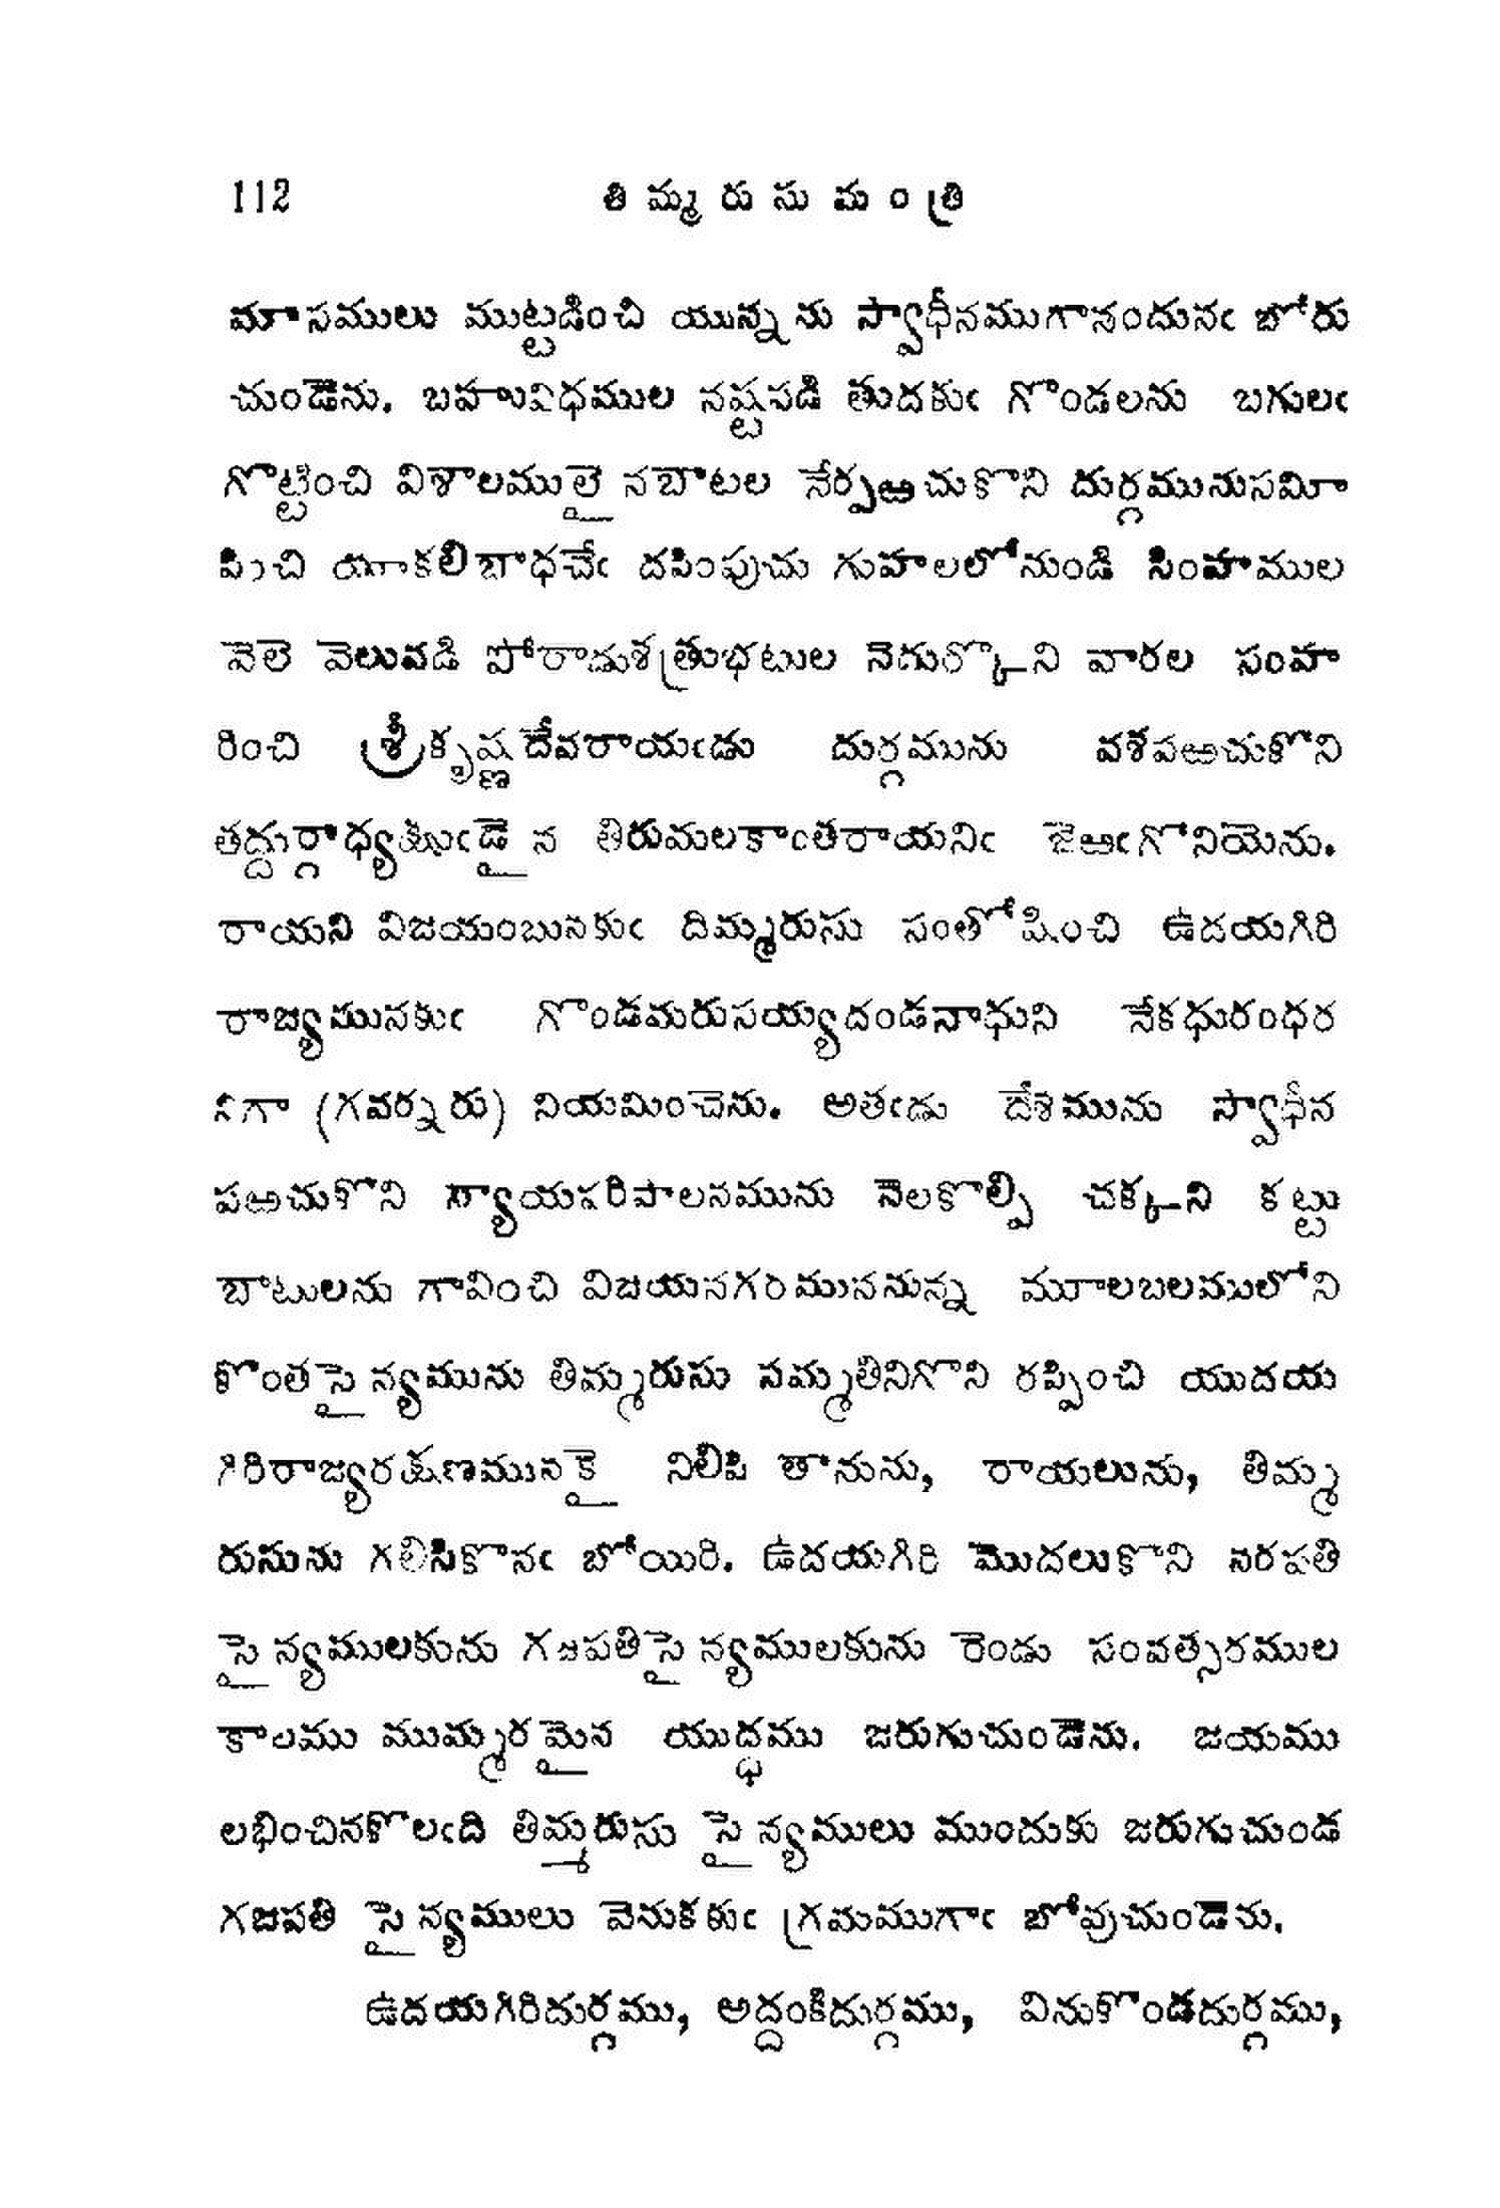మాసములు ముట్టడించి యున్నను స్వాధీనముగానందునఁ బోరుచుండెను. బహువిధముల నష్టపడి తుదకుఁ గొండలను బగులఁ గొట్టించి విశాలములైనబాటల నేర్పఱచుకొని దుర్గమునుసమీపించి యాకలిబాధచేఁ దపింపుచు గుహలలోనుండి సింహములవలె వెలువడి పోరాడుశత్రుభటుల నెదుర్కొని వారల సంహరించి శ్రీకృష్ణదేవరాయఁడు దుర్గమును వశపఱచుకొని తద్దుర్గాధ్యక్షుఁడైన తిరుమలకాంతరాయని జెఱఁ గొనియెను. రాయని విజయంబునకుఁ దిమ్మరుసు సంతోషించి ఉదయగిరి రాజ్యమునకుఁ గొండమరుసయ్య దండనాధుని నేకధురంధరనిగా (గవర్నరు) నియమించెను. అతఁడు దేశమును స్వాధీనపఱుచుకొని న్యాయపరిపాలనమును నెలకొల్పి చక్కని కట్టుబాటులను గావించి విజయనగరముననున్న మూలబలములోని కొంతసైన్యమును తిమ్మరుసు సమ్మతినిగొని రప్పించి యుదయగిరిరాజ్యరక్షణమునకై నిలిపి తానును, రాయలును, తిమ్మరుసును గలిసికొనఁ బోయిరి. ఉదయగిరి మొదలుకొని నరపతి సైన్యములకును గజపతిసైన్యములకును రెండు సంవత్సరముల కాలము ముమ్మరమైన యుద్ధము జరుగుచుండెను. జయము లభించినకొలఁది తిమ్మరుసు సైన్యములు ముందుకు జరుగుచుండ గజపతి సైన్యములు వెనుకకుఁ గ్రమముగాఁ బోవుచుండెను.

ఉదయగిరిదుర్గము, అద్దంకి దుర్గము, వినుకొండదుర్గము,